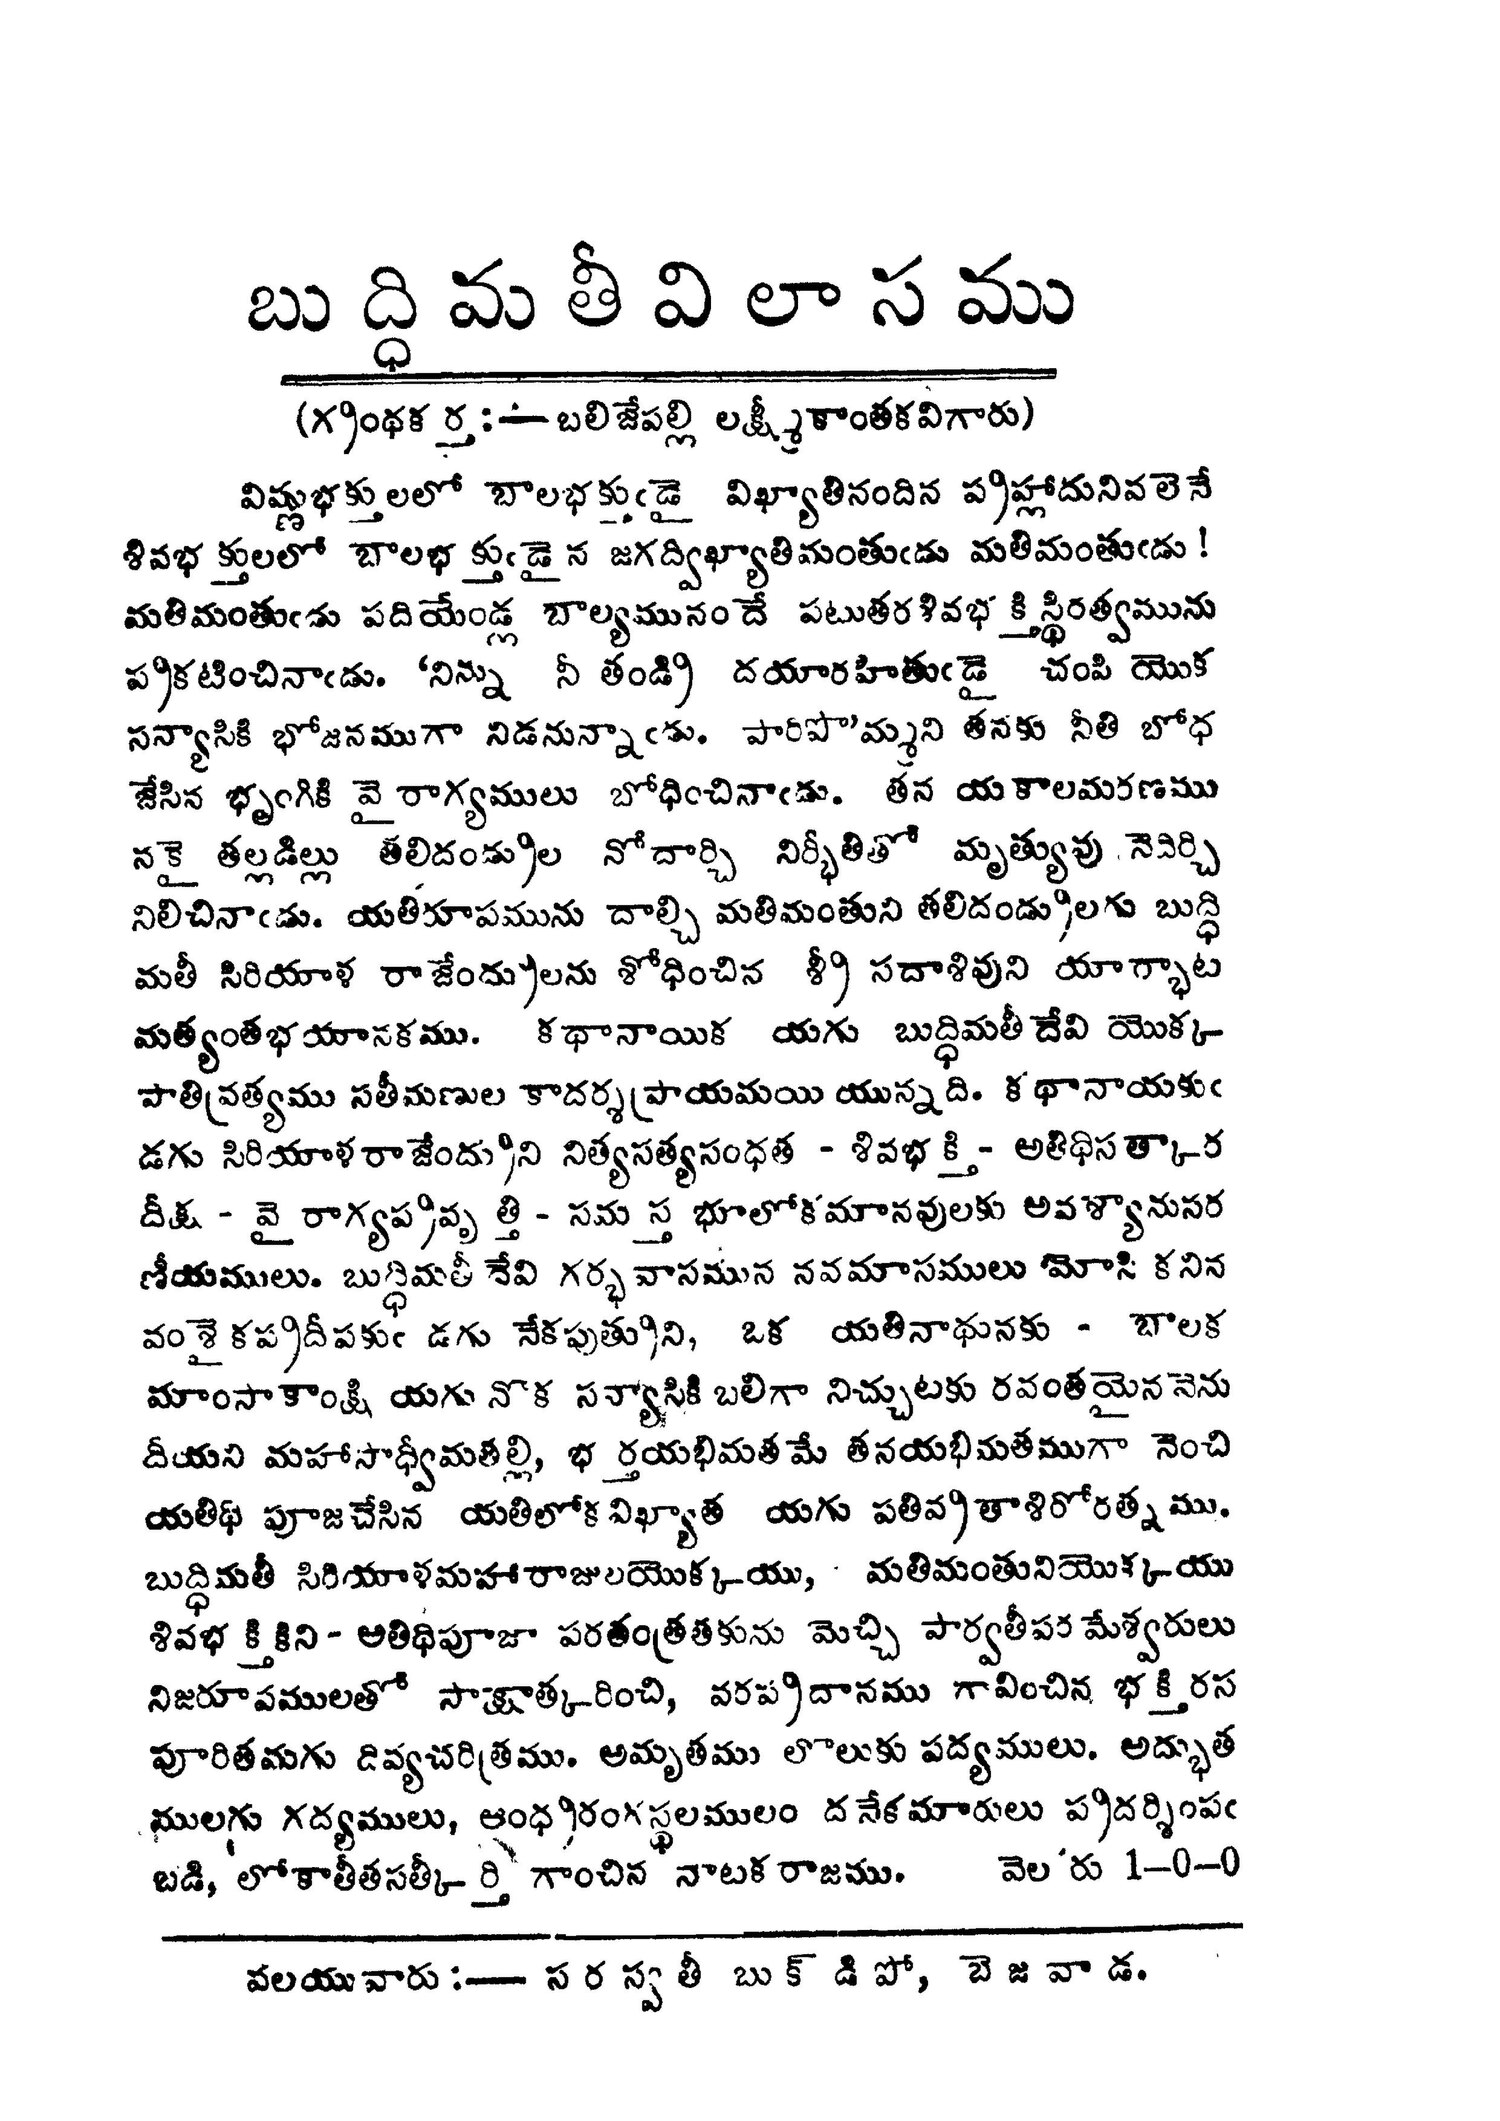బుద్ధిమతీ విలాసము

(గ్రంథకర్త: - బలిజేపల్లి లక్ష్మీకాంతకవిగారు)

విష్ణుభక్తులలో బాలభక్తుడై విఖ్యాతినందిన ప్రహ్లాదుని వలెనే శివభక్తులలో బాలభక్తుడైన జగద్విఖ్యాతిమంతుడు మతిమంతుడు ! మతిమంతుడు పదియేండ్ల బాల్యమునందే పటుతర శివభక్తి స్థిరత్వమును ప్రకటించినాడు. ' నిన్ను నీ తండ్రి దయారహితుడై చంపి యొక సన్యాసికి భోజనముగా నిడనున్నాడు. పారిపొమ్మని తనకు నీతి బోధ జేసిన భృంగికి వైరాగ్యములు బోధించినాడు. తన యకాలమరణము నకై తల్లడిల్లు తలిదండ్రుల నోదార్చి నిర్భీతితో మృత్యువు నెదిర్చి నిలిచినాడు. యతిరూపమును దాల్చి మతిమంతుని తలిదంద్రులగు బుద్ధిమతీ సిరియాళ రాజేంద్రులను శోధించిన శ్రీ సదాశివుని యార్భాట మత్యంత భయానకము. కథానాయిక యగు బుద్ధిమతీదేవి యొక్క పాతివ్రత్యము సతీమణుల కాదర్శప్రాయమయి యున్నది. కథానాయకుడగు సిరియాళ రాజేంద్రుని నిత్య సత్యసంధత - శివభక్తి - అతిథిసత్కార దీక్ష - వైరాగ్య ప్రవృత్తి - సమస్త భూలోక మానవులకు అవశ్యానుసరణీయములు. బుద్ధిమతీదేవి గర్భవాసమున నవమాసములు మోసి కనిన వంశైక ప్రదీపకు డగు నేకపుత్రుని, ఒక యతినాథునకు - బాలక మాంసాకాంక్షి యగు నొక సన్యాసికి బలిగా నిచ్చుటకు రవంతయైన వెనుదీయని మహాసాధ్వీమతల్లి, భర్త యభిమతమే తన యభిమతముగా నెంచి యతిథి పూజచేసిన యతిలోకవిఖ్యాత యగు పతివ్రతా శిరోరత్నము. బుద్ధిమతీ సిరియాళ మహారాజుల యొక్కయు, మతిమంతుని యొక్కయు శివభక్తికిని - అతిథిపూజా పరతంత్రతకును మెచ్చి పార్వతీపరమేశ్వరులు నిజరూపములతో సాక్షాత్కరించి, వరప్రదానము గావించిన భక్తిరస పూరితమగు దివ్యచరిత్రము. అమృతము లొలుకు పద్యములు. అద్భుతములగు గద్యములు, ఆంధ్రరంగస్థలములం దనేకమారులు ప్రదర్శింపబడి, లోకాతీత సత్కీర్తి గాంచిన నాటకరాజము. వెల రు. 1-0-0

వలయువారు: - సరస్వతీ బుక్ డిపో, బెజవాడ.